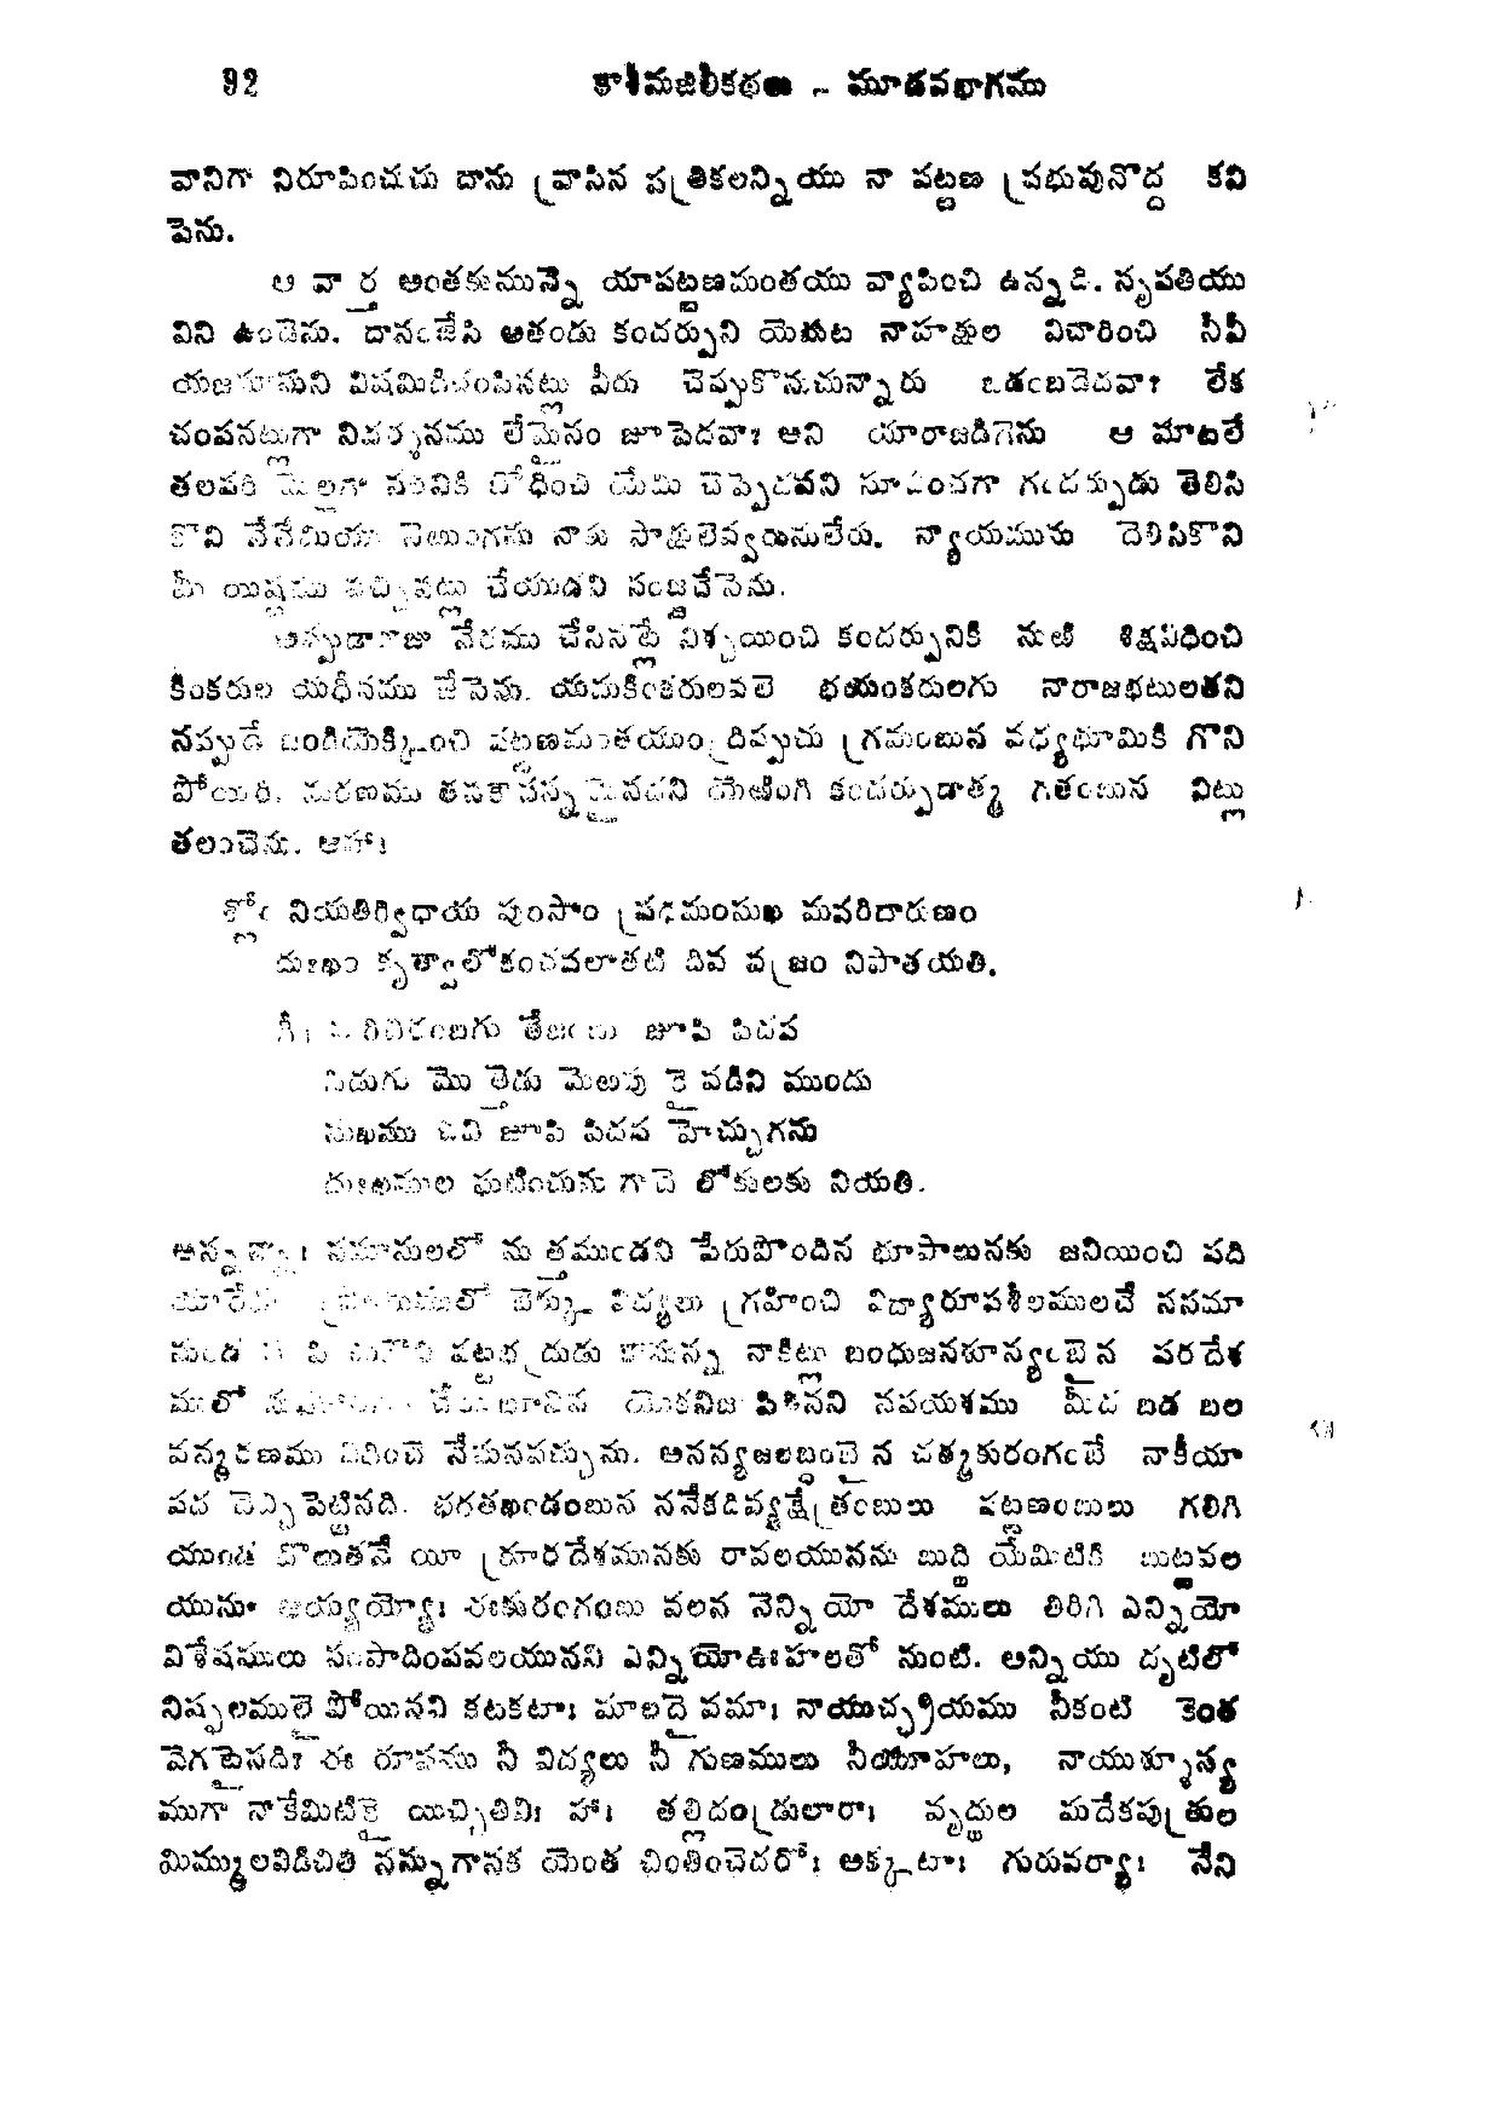వానిగా నిరూపించుచు దాను వ్రాసిన పత్రికలన్నియు నా పట్టణప్రభువునొద్ద కనిపెను.

ఆ వార్త అంతకుమున్నె యాపట్టణమంతయు వ్యాపించి ఉన్నది. నృపతియు విని ఉండెను. దానంజేసి అతండు కందర్పుని యెదుట నాసాక్షుల విచారించి నీవీ యజమానుని విషమిడిచంపినట్లు వీరు చెప్పుకొనుచున్నారు ఒడంబడెదవా? లేక చంపనట్లుగా నిదర్శనము లేమైనం జూపెదవా? అని యారాజడిగెను ఆ మాటలే తలవరి మెల్లగా నతనికి బోధించి యేమి చెప్పెదవని సూచించగా గందర్పుడు తెలిసికొని నేనేమియు నెఱుంగను నాకు సాక్షులెవ్వరునులేరు. న్యాయమును దెలిసికొని మీ యిష్టము వచ్చినట్లు చేయుడిని సంజ్ఞచేసెను.

అప్పు డారాజు నేరము చేసినట్లే నిశ్చయించి కందర్పునికి నుఱిశిక్ష విధించి కింకరుల యధీనము జేసెను. యమకింకరులవలె భయంకరులగు నారాజభటులతని నప్పుడే బండియెక్కించి పట్టణమంతయుం ద్రిప్పుచు గ్రమంబున వధ్యభూమికి గొనిపోయిరి. మరణము తనకాసన్నమైనదని యెఱింగి కందర్పుడాత్మ గతంబున నిట్లు తలంచెను. ఆహా!

శ్లో: నియతిర్విధాయ పుంసాం ప్రధమంసుఖ మవరిదారుణం
 దుఃఖం కృత్వాలోకంచవలాతటి దివ వజ్రం నిపాతయతి.

గీ. అతిచిరంబగు తేజుంబు జూపి పిదప
 పిడుగు మొత్తెడు మెఱపు కైవడిని ముందు
 సుఖము చవి జూపి పిదప హెచ్చుగను
 దుఃఖముల ఘటించును గాదె లోకులకు నియతి.
అన్నన్నా! సమానులలో నుత్తముండని పేరుపొందిన భూపాలునకు జనియించి పదియారేడు ప్రాయములో బెక్కువిద్యలు గ్రహించి విద్యారూపశీలములచే నసమానుండ ననిపించుకొని పట్టభద్రుడు కానున్న నాకిట్లు బంధుజనశూన్యంబైన పరదేశములో సహాయము చేయబూనిన యొకని జంపితినని నపయశము మీద బడ బలవన్మరణము విధించె నేమనవచ్చును. అనన్యజలబ్ధంబైన చర్మకురంగంబే నాకీయాపద దెచ్చి పెట్టినది. భరతఖండంబున ననేకదివ్యక్షేత్రంబులు పట్టణంబులు గలిగి యుండ దొలుతనే యీ క్రూరదేశమునకు రావలయునను బుద్ధి యేమిటికి బుట్టవలయును. అయ్యయ్యో! ఈకురంగంబు వలన నెన్నియో దేశములు తిరిగి ఎన్నియో విశేషములు సంపాదింపవలయునని ఎన్నియోఊహలతో నుంటి. అన్నియు దృటిలో నిష్ఫలములై పోయినవి కటకటా! మాలదైవమా! నాయుచ్ఛ్రయము నీకంటి కెంత వెగటైనది? ఈ రూపము నీ విద్యలు నీ గుణములు నీయూహలు, నాయుశూన్యముగా నాకేమిటికై యిచ్చితివి. హా! తల్లిదండ్రులారా, వృద్ధుల మదేకపుత్రుల మిమ్ములవిడిచితి నన్నుగానక యెంత చింతించెదరో! అక్కటా! గురువర్యా! నేని